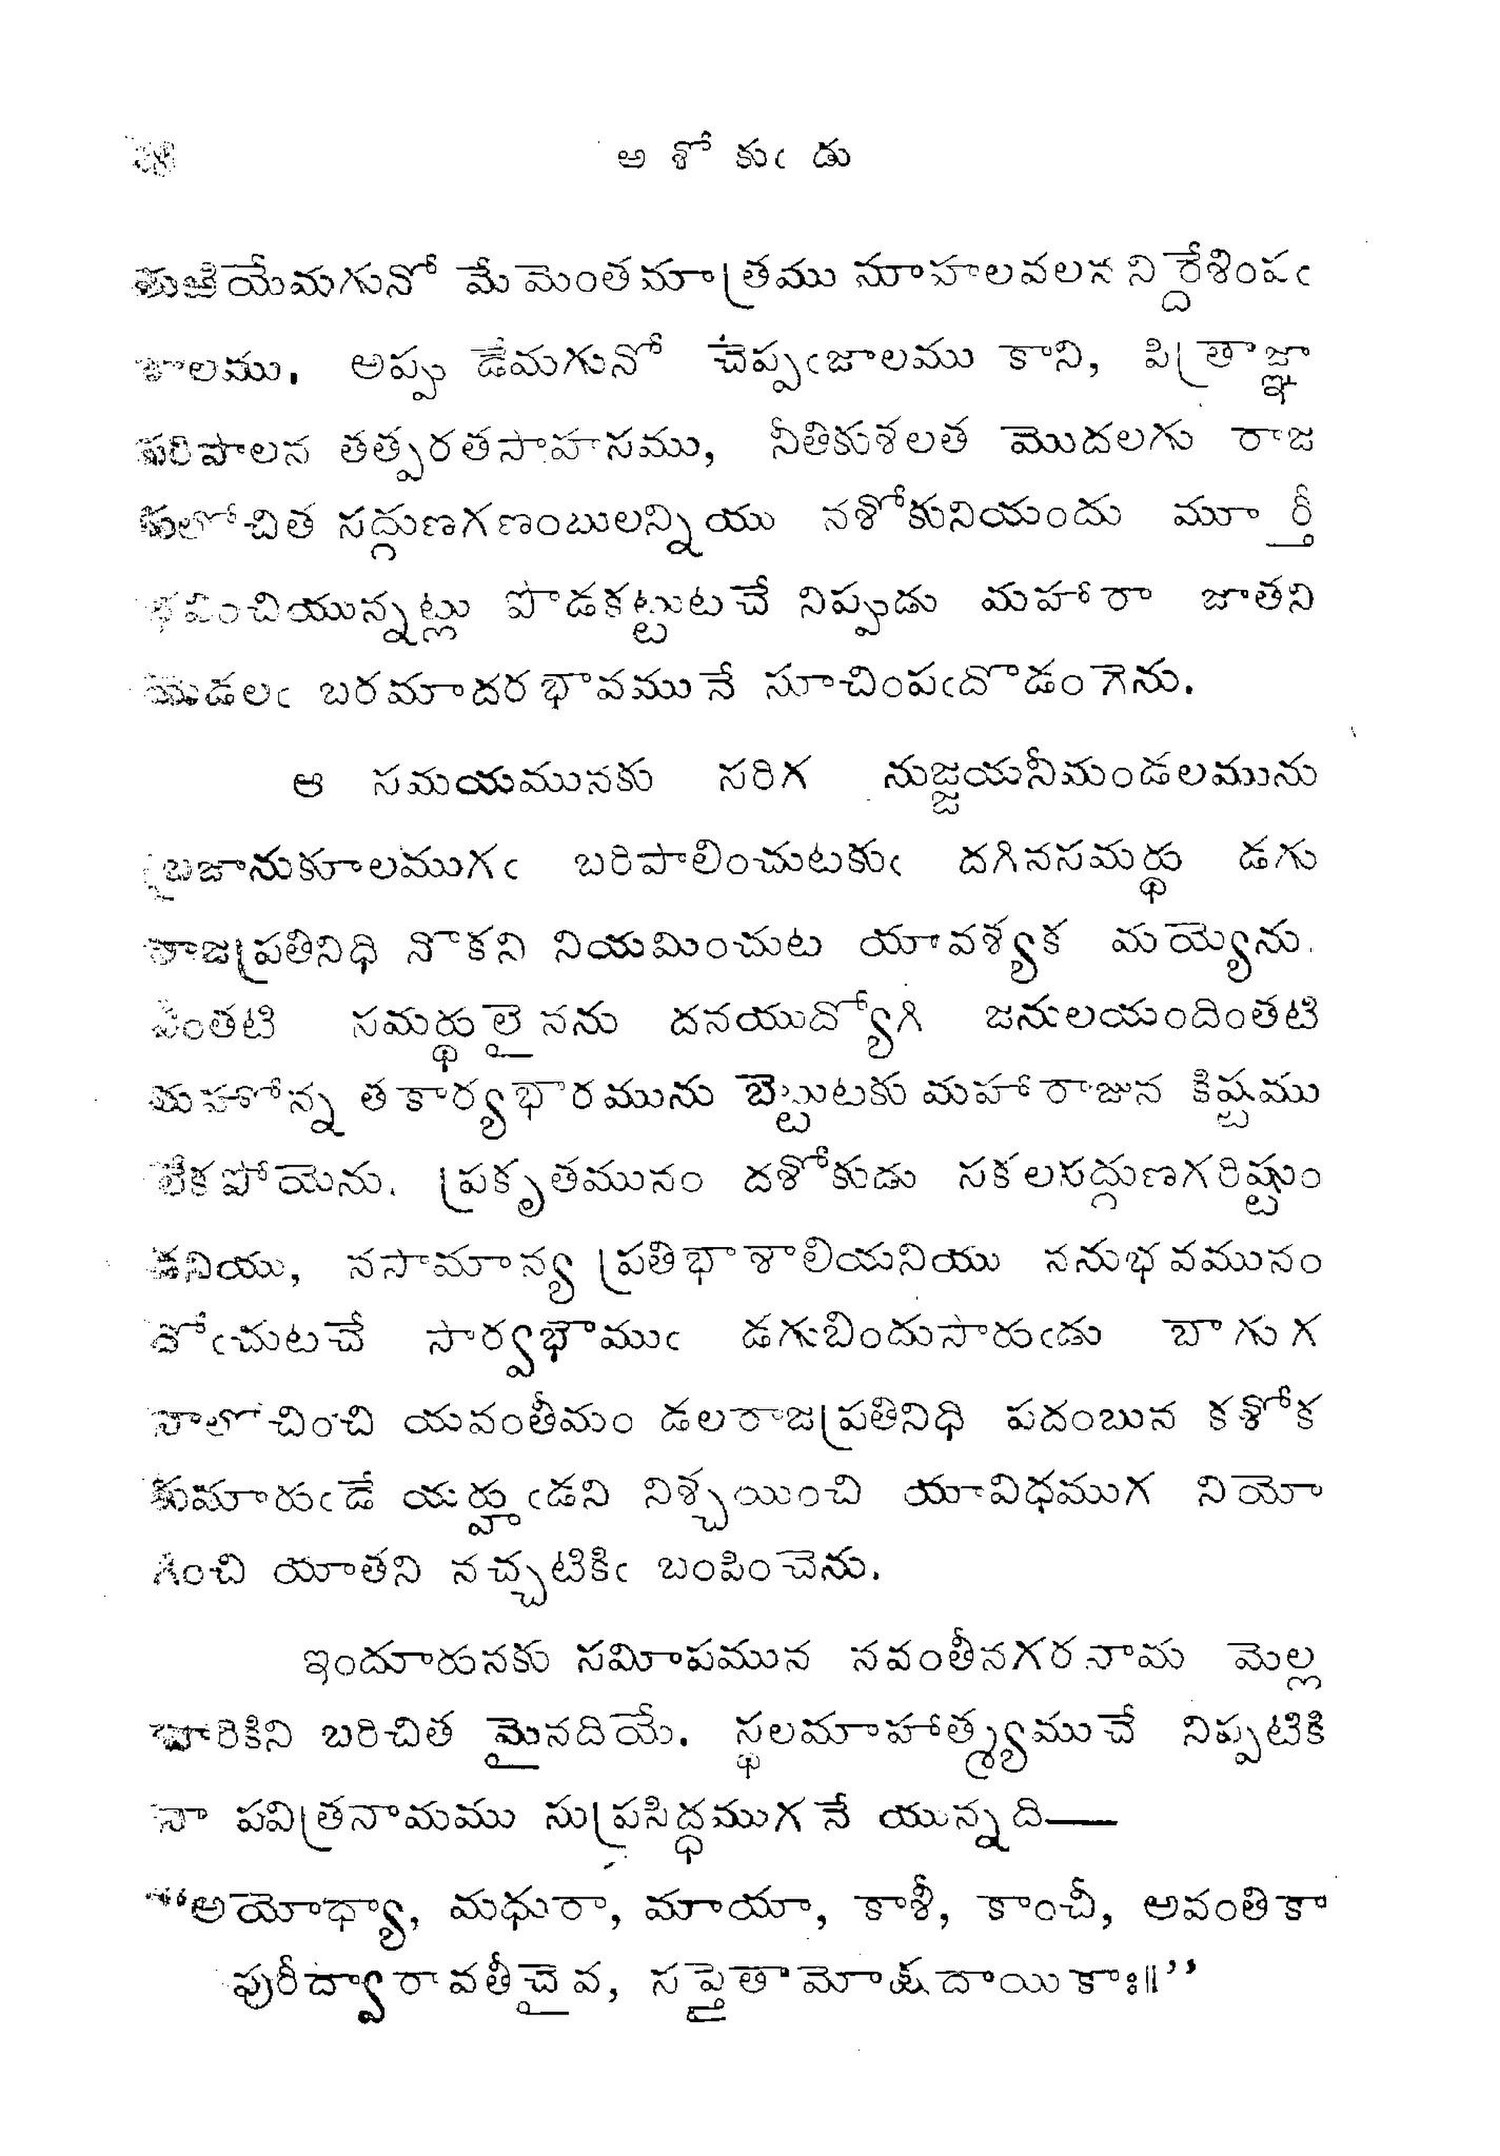ముఱి యేమగునో మే మెంతమాత్రము నూహలవలన నిర్దేశింపఁ కాలము, అప్పు డేమగునో చెప్పఁ జాలము కాని, పిత్రాజ్ఞా పరిపాలన తత్పరత సాహసము, నీతికుశలత మొదలగు రాజ కులోచిత సద్గుణగణంబులన్నియు నశోకునియందు మూర్తీభవించియున్నట్లు పొడకట్టుట చే నిప్పుడు మహారా జాతని యెడలఁ బరమాదర భావము నే సూచింపఁదొడంగెను.

ఆ సమయమునకు సరిగ నుజ్జయనీ మండలమును బ్రజానుకూలముగఁ బరిపాలించుటకుఁ దగినసమర్థు డగు రాజప్రతినిధి నొకని నియమించుట యావశ్యక మయ్యెను. ఎంతటి సమర్థు లైనను దనయుద్యోగి జనులయందింతటి మహోన్నత కార్యభారమును బెట్టుటకు మహా రాజున కిష్టము లేక పోయెను. ప్రకృతమునం దశోకుడు సకల సద్గుణగరిష్టుండనియు, నసామాన్య ప్రతిభాశాలియనియు ననుభవమునం దోఁచుటచే సార్వభౌముఁ డగుబిందుసారుఁడు బాగుగ నాలోచించి యవంతీమం డలరాజప్రతినిధి పదంబున కశోక కుమారుఁడే యర్హుఁడని నిశ్చయించి యావిధముగ నియోగించి యాతని నచ్చటికిఁ బంపిం చెను.

ఇందూరునకు సమీపమున నవంతీనగర నామ మెల్ల వారికిని బరిచిత మైనదియే. స్థలమాహాత్మ్యము చే నిప్పటికినా పవిత్రనామము సుప్రసిద్ధముగ నే యున్నది——

"అయోధ్యా, మధురా, మాయా, కాశీ, కాంచీ, అవంతికా
పురీ ద్వారావతీ చైవ, సప్తెతా మోక్ష దాయి కాః !! "